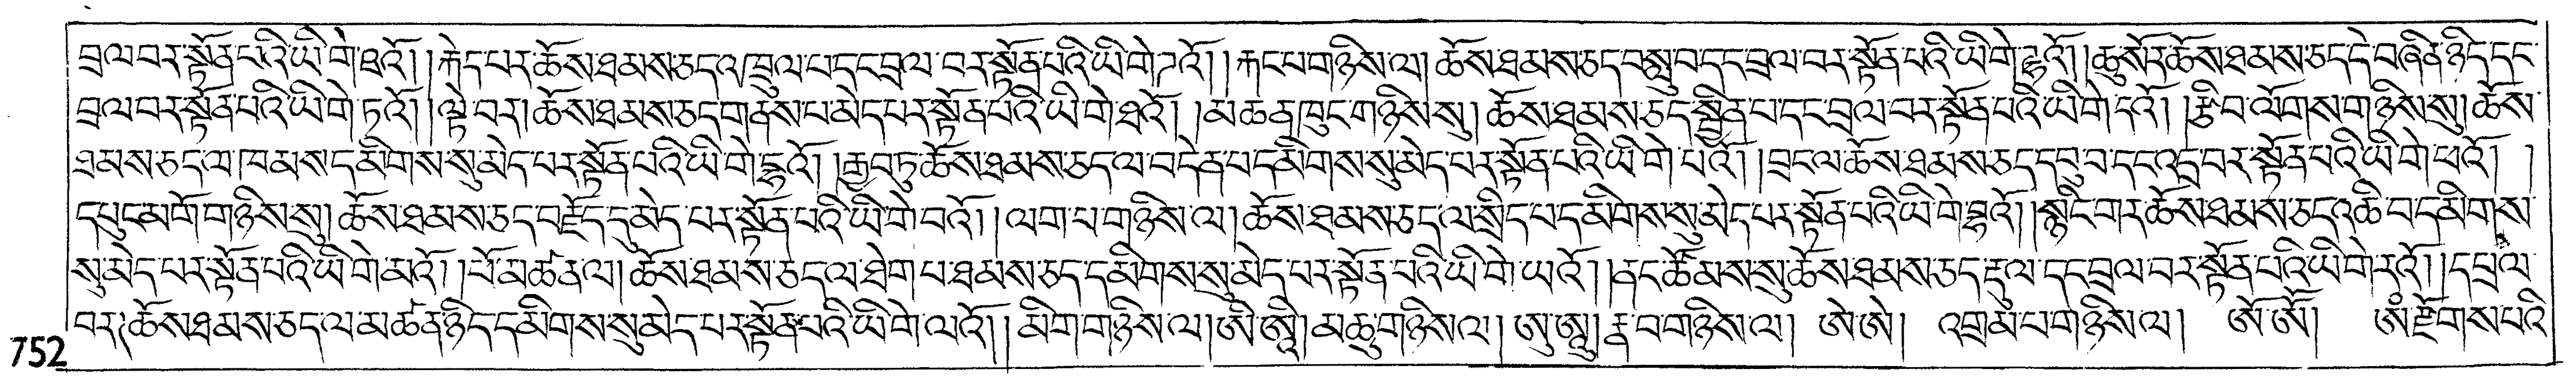བྲལ་བར་སྟོན་པའི་ཡི་གེ་ཊཿཨའོ། །རྐེད་པར་ཆོས་ཐམས་ཅད་འཁྲུལ་པ་དང་བྲལ་བར་སྟོན་པའི་ཡི་གེ་ཌའོ། །རྐང་པ་གཉིས་ལ། ཆོས་ཐམས་ཅད་བསླུ་བ་དང་བྲལ་བར་སྟོན་པའི་ཡི་གེ་ཌྷའོ། །ཆུ་སོར་ཆོས་ཐམས་ཅད་དེ་བཞིན་ཉིད་དང་
བྲལ་བར་སྟོན་པའི་ཡི་གེ་ཏའོ། །ལྟེ་བར། ཆོས་ཐམས་ཅད་གནས་པ་མེད་པར་སྟོན་པའི་ཡི་གེ་ཐའོ། །མཆན་ཁུང་གཉིས་སུ། ཆོས་ཐམས་ཅད་སྦྱིན་པ་དང་བྲལ་བར་སྟོན་པའི་ཡི་གེ་དའོ། །རྩིབ་ལོགས་གཉིས་སུ། ཆོས་
ཐམས་ཅད་ལ་ཁམས་དམིགས་སུ་མེད་པར་སྟོན་པའི་ཡི་གེ་དྷའོ། །རྒྱབ་ཏུ་ཆོས་ཐམས་ཅད་ལ་བདེན་པ་དམིགས་སུ་མེད་པར་སྟོན་པའི་ཡི་གེ་པའོ། །བྲང་ལ་ཆོས་ཐམས་ཅད་དབུ་བ་དང་འདྲ་བར་སྟོན་པའི་ཡི་གེ་ཕའོ། །
དཔུང་མགོ་གཉིས་སུ། ཆོས་ཐམས་ཅད་བརྗོད་དུ་མེད་པར་སྟོན་པའི་ཡི་གེ་བའོ། །ལག་པ་གཉིས་ལ། ཆོས་ཐམས་ཅད་ལ་སྲིད་པ་དམིགས་སུ་མེད་པར་སྟོན་པའི་ཡི་གེ་བྷའོ། །སྙིང་གར་ཆོས་ཐམས་ཅད་འཆི་བ་དམིགས་
སུ་མེད་པར་སྟོན་པའི་ཡི་གེ་མའོ། །ཕོ་མཚན་ལ། ཆོས་ཐམས་ཅད་ལ་ཐེག་པ་ཐམས་ཅད་དམིགས་སུ་མེད་པར་སྟོན་པའི་ཡི་གེ་ཡའོ། །ནང་ཚོམས་སུ་ཆོས་ཐམས་ཅད་རྡུལ་དང་བྲལ་བར་སྟོན་པའི་ཡི་གེ་རའོ། །དཔྲལ་
བར། ཆོས་ཐམས་ཅད་ལ་མཚན་ཉིད་དམིགས་སུ་མེད་པར་སྟོན་པའི་ཡི་གེ་ལའོ། །མིག་གཉིས་ལ། ཨི་ཨཱི། མཆུ་གཉིས་ལ། ཨུ་ཨཱུ། རྣ་བ་གཉིས་ལ། ཨེ་ཨེ། འགྲམ་པ་གཉིས་ལ། ཨོ་ཨཽ། ཨཾ་རྫོགས་པའི་